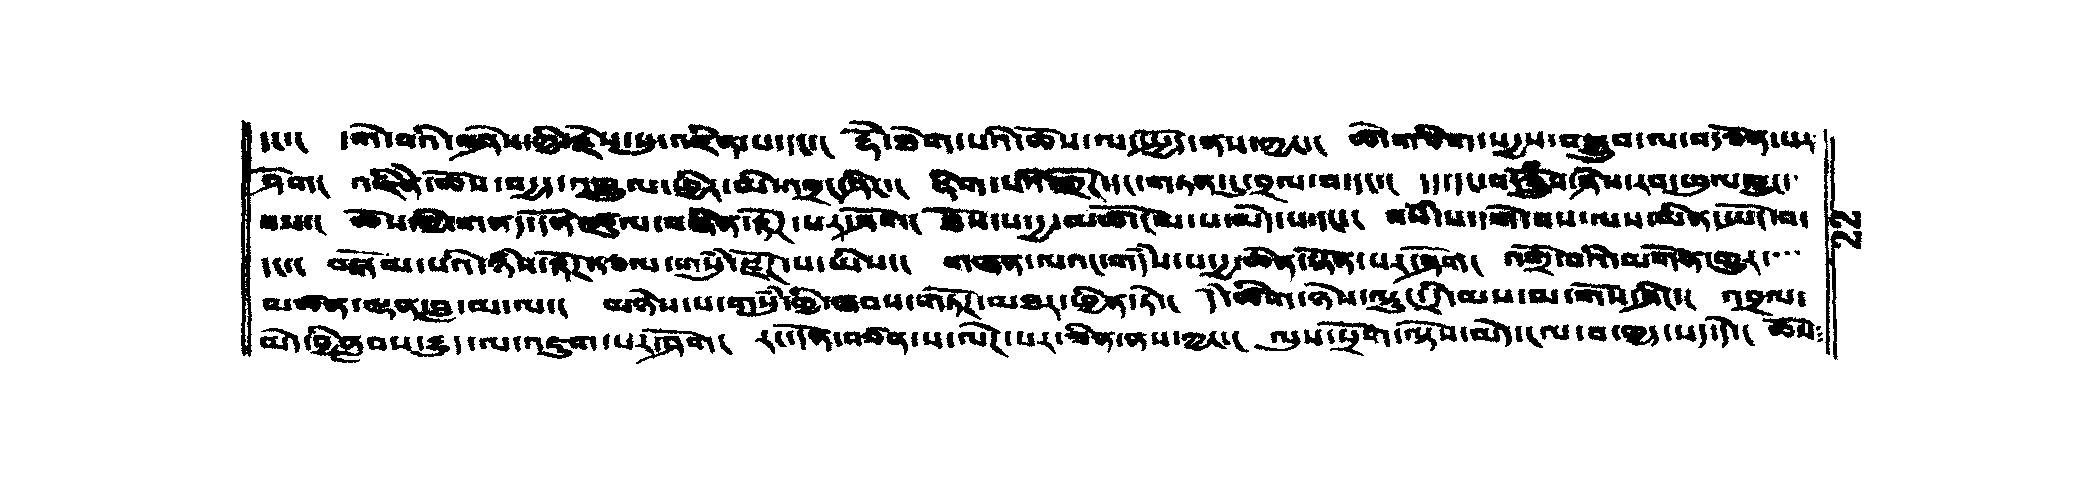དང་། །དགེ་བའི་བཤེས་ཀྱི་རྗེས་སུ་འཛིན་པ་དང་། །རྡོ་རྗེ་ཐེག་པའི་ཆོས་ལ་སྤྱོད་ནས་ཀྱང་། །ཚེ་གཅིག་སངས་རྒྱས་བསྒྲུབ་ལ་བརྩོན་པར་
ཤོག །འཇིག་རྟེན་ཆོས་བརྒྱད་འཁྲུལ་ཕྱིར་མི་འབྲང་ཤིང་། །སྡིག་པའི་གྲོགས་དང་གཏན་དུ་བྲལ་བ་དང་། །དད་དང་བརྩོན་གྲུས་ཤེས་རབ་ཕུལ་བྱུང་
པས། །ཆོས་ཀྱི་གནད་དོན་ཚུལ་བཞིན་རྟོགས་པར་ཤོག །ཐོས་པ་རྒྱ་མཚོ་ངོམ་པ་མེད་པ་དང་། །བསམ་པ་དགེ་བས་ལས་མིན་སྤོང་བ་
དང་། །བསྒོམ་པའི་ཉམས་རྟོགས་རྩལ་གསུམ་རྫོགས་པ་ཡིས། །གཞན་ལའང་གདམས་པ་རྒྱ་ཆེར་སྟོན་པར་ཤོག །འགྲོ་བའི་མགོན་གྱུར་
མཚན་ལྡན་བླ་མ་ལ། །མཉེས་པ་གསུམ་གྱི་ཞབས་གཏོག་མཐར་ཕྱིན་ཏེ། །དམ་ཚིག་ཉེས་ལྟུང་དྲི་མས་མ་གོས་ཤིང་། །འབྲལ་
མེད་བྱིན་རླབས་རྒྱུད་ལ་འཇུག་པར་ཤོག །རང་དོན་བཙན་ས་ལེགས་པར་ཟིན་ནས་ཀྱང་། །ལུས་སྲོག་ལྟོས་མེད་ངལ་བ་ཁྱད་བསད་དེ། །ཆོས་